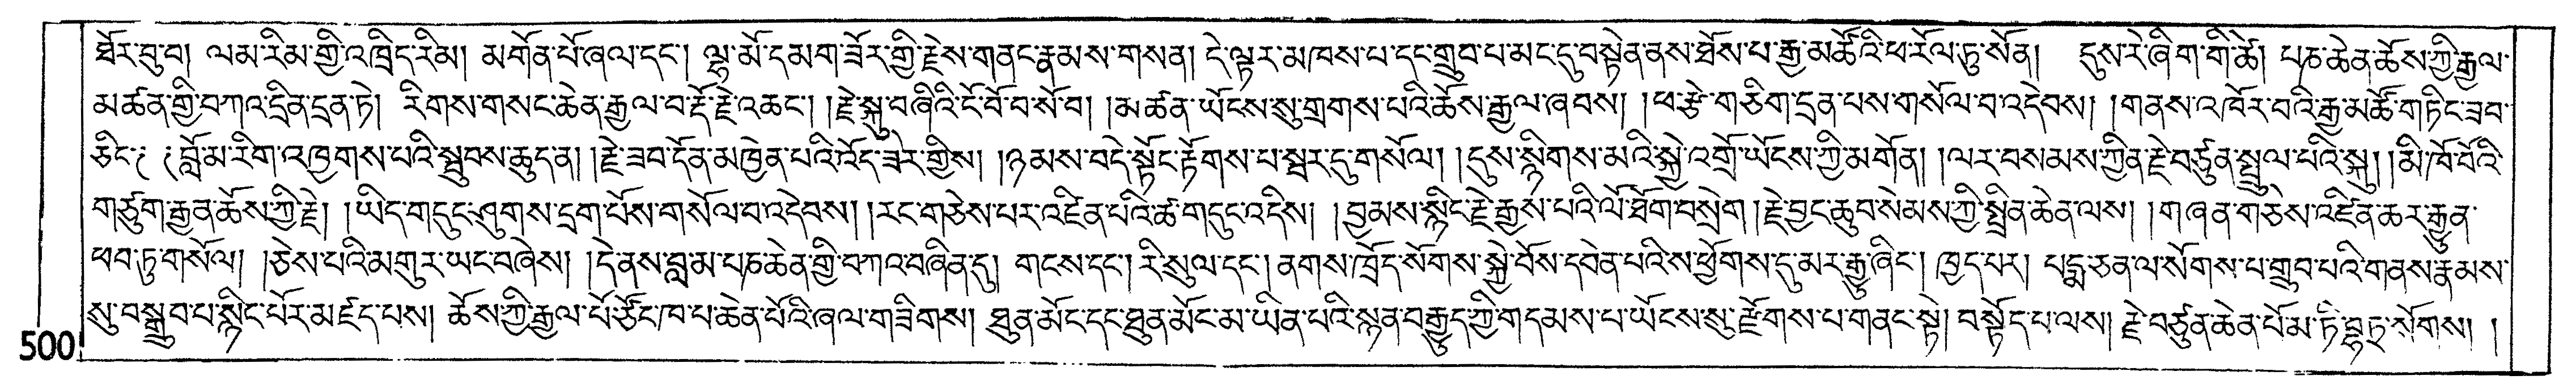ཐོར་བུ་བ། ལམ་རིམ་གྱི་འཁྲིད་རིམ། མགོན་པོ་ཞལ་དང་། ལྷ་མོ་དམག་ཟོར་གྱི་རྗེས་གནང་རྣམས་གསན། དེ་ལྟར་མཁས་པ་དང་གྲུབ་པ་མང་དུ་བསྟེན་ནས་ཐོས་པ་རྒྱ་མཚོའི་ཕ་རོལ་ཏུ་སོན། དུས་རེ་ཞིག་གི་ཚེ། པཎ་ཆེན་ཆོས་ཀྱི་རྒྱལ་
མཚན་གྱི་བཀའ་དྲིན་དྲན་ཏེ། རིགས་གསང་ཆེན་རྒྱལ་བ་རྡོ་རྗེ་འཆང་། །རྗེ་སྐུ་བཞིའི་ངོ་བོ་བ་སོ་བ། །མཚན་ཡོངས་སུ་གྲགས་པའི་ཆོས་རྒྱལ་ཞབས། །ཕ་རྩེ་གཅིག་དྲན་པས་གསོལ་བ་འདེབས། །གནས་འཁོར་བའི་རྒྱ་མཚོ་གཏིང་ཟབ་
ཅིང༑ ༑བློ་མ་རིག་འཁྱགས་པའི་སྦུབས་ཆུད་ན། །རྗེ་ཟབ་དོན་མཁྱེན་པའི་འོད་ཟེར་གྱིས། །ཉམས་བདེ་སྟོང་རྟོགས་པ་སྦར་དུ་གསོལ། །དུས་སྙིགས་མའི་སྐྱེ་འགྲོ་ཡོངས་ཀྱི་མགོན། །ལར་བསམས་ཀྱིན་རྗེ་བཙུན་སྤྲུལ་པའི་སྐུ། །མི་ཁོ་བོའི་
གཙུག་རྒྱན་ཆོས་ཀྱི་རྗེ། །ཡིད་གདུང་ཤུགས་དྲག་པོས་གསོལ་བ་འདེབས། །རང་གཅེས་པར་འཛིན་པའི་ཚ་གདུང་འདིས། །བྱམས་སྙིང་རྗེ་རྒྱས་པའི་ལོ་ཐོག་བསྲེག །རྗེ་བྱང་ཆུབ་སེམས་ཀྱི་སྤྲིན་ཆེན་ལས། །གཞན་གཅེས་འཛིན་ཆར་རྒྱུན་
ཕབ་ཏུ་གསོལ། །ཅེས་པའི་མགུར་ཡང་བཞེས། །དེ་ནས་བླ་མ་པཎ་ཆེན་གྱི་བཀའ་བཞིན་དུ། གངས་དང་། རི་སུལ་དང་། ནགས་ཁྲོད་སོགས་སྐྱེ་བོས་དབེན་པའི་ས་ཕྱོགས་དུ་མར་རྒྱུ་ཞིང་།ཁྱད་པར། པདམ་ཅན་ལ་སོགས་པ་གྲུབ་པའི་གནས་རྣམས་
སུ་བསྒྲུབ་པ་སྙིང་པོར་མཛད་པས། ཆོས་ཀྱི་རྒྱལ་པོ་ཙོང་ཁ་པ་ཆེན་པོའི་ཞལ་གཟིགས། ཐུན་མོང་དང་ཐུན་མོང་མ་ཡིན་པའི་སྙན་བརྒྱུད་ཀྱི་གདམས་པ་ཡོངས་སུ་རྫོགས་པ་གནང་སྟེ། བསྟོད་པ་ལས། རྗེ་བཙུན་ཆེན་པོ་མ་ཏི་བྷ་ཏྲ་སོགས། །